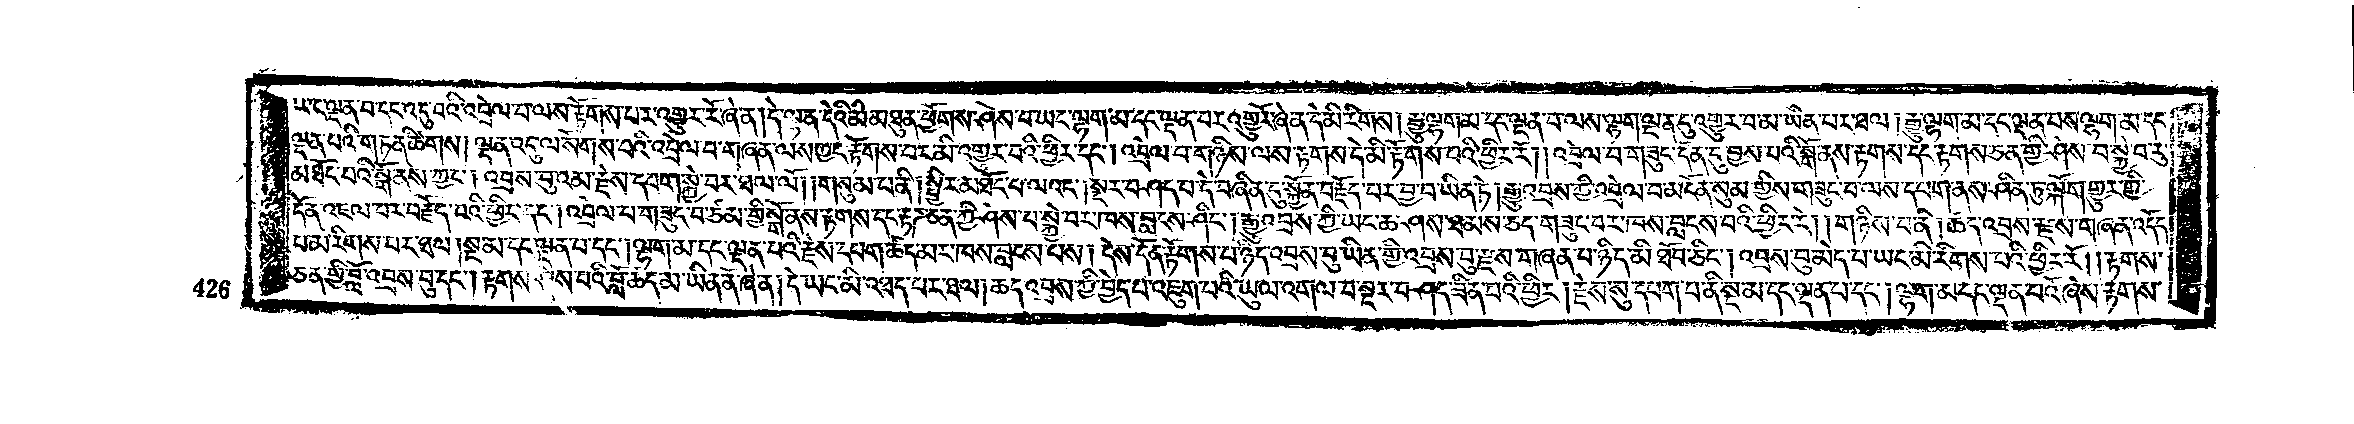ཡང་ལྡན་པ་དང་འདུ་བའི་འབྲེལ་བ་ལས་རྟོགས་པར་འགྱུར་རོ་ཞེ་ན། དེ་ལྟན་དེའི་མི་མཐུན་ཕྱོགས་ཤེས་པ་ཡང་ལྷག་མ་དང་ལྡན་པར་འགྱུར་རོ་ཞེ་ན་དེ་མི་རིགས། རྒྱུ་ལྷག་མ་དང་ལྡན་པ་ལས་ལྷག་ལྔན་དུ་འགྱུར་བ་མ་ཡིན་པར་ཐལ། རྒྱུ་ལྷག་མ་དང་ལྡན་པས་ལྷག་མ་དང་
ལྡན་པའི་གཏན་ཚིགས། ལྡན་འདུ་ལ་སོགས་པའི་འབྲེལ་བ་གཞན་ལས་ཀྱང་རྟོགས་པར་མི་འགྱུར་བའི་ཕྱིར་དང་། འབྲེལ་བ་གཉིས་ལས་རྟགས་དེ་མི་རྟོགས་པའི་ཕྱིར་རོ། །འབྲེལ་བ་གཟུང་དོན་དུ་བྱས་པའི་སྒོ་ནས་རྟགས་དང་རྟགས་ཅན་གྱི་ཤེས་པ་སྐྱེ་བ་རུ་
མཐོང་བའི་སྒོ་ནས་ཀྱང་། འབྲས་བུའམ་རྗེས་དཔག་སྐྱེ་བར་ཐལ་ལོ། །གསུམ་པ་ནི། སྤྱིར་མཐོང་བ་ལའང་། སྔར་བཤད་པ་དེ་བཞིན་དུ་སྐྱོན་བརྗོད་པར་བྱ་བ་ཡིན་ཏེ། རྒྱུ་འབྲས་ཀྱི་འབྲེལ་བ་མངོན་སུམ་གྱིས་གཟུང་བ་ལས་དཔག་ནས་ཤིན་ཏུ་ལྐོག་གྱུར་གྱི་
དོན་འཇལ་བར་བརྗོད་པའི་ཕྱིར་དང་། འབྲེལ་བ་གཟུང་པ་ཙམ་གྱི་སྒོ་དནས་རྟགས་དང་རྟགས་ཅན་གྱི་ཤེས་པ་སྐྱེ་བར་ཁས་བླངས་ཤིང་། རྒྱུ་འབྲས་ཀྱི་ཡང་ཆ་ཤས་ཐམས་ཅད་གཟུང་བར་ཁས་བླངས་པའི་ཕྱིར་རོ། །གཉིས་པ་ནི། ཚད་འབྲས་རྫས་གཞན་འདོད་
པ་མ་རིགས་པ་ཐལ། སྔ་མ་དང་ལྡན་པ་དང་། ལྷག་མ་དང་ལྡན་པའི་རྗེས་དཔག་ཚད་མར་ཁས་བླངས་པས། དེས་དོན་རྟོགས་པ་ཉིད་འབྲས་བུ་ཡིན་གྱི་འབྲས་བུ་རྫས་གཞན་པ་ཉིད་མི་ཐོབ་ཅིང་། འབྲས་བུ་མེད་པ་ཡང་མི་རིགས་པའི་ཕྱིར་རོ། །རྟགས་
ཅན་གྱི་བློ་འབྲས་བུ་དང་། རྟགས་ཤེས་པའི་བློ་ཚད་མ་ཡིན་ནོ་ཞེ་ན། དེ་ཡང་མི་འཐད་པར་ཐལ། ཆད་འབྲས་ཀྱི་བྱེད་པ་འཇུག་པའི་ཡུལ་འགལ་བ་སྔར་བཤད་ཟིན་པའི་ཕྱིར། རྗེས་སུ་དཔག་པ་ནི་སྔ་མ་དང་ལྡན་པ་དང་། ལྷག་མ་དང་ལྡན་པའོ་ཞེས་རྟགས་